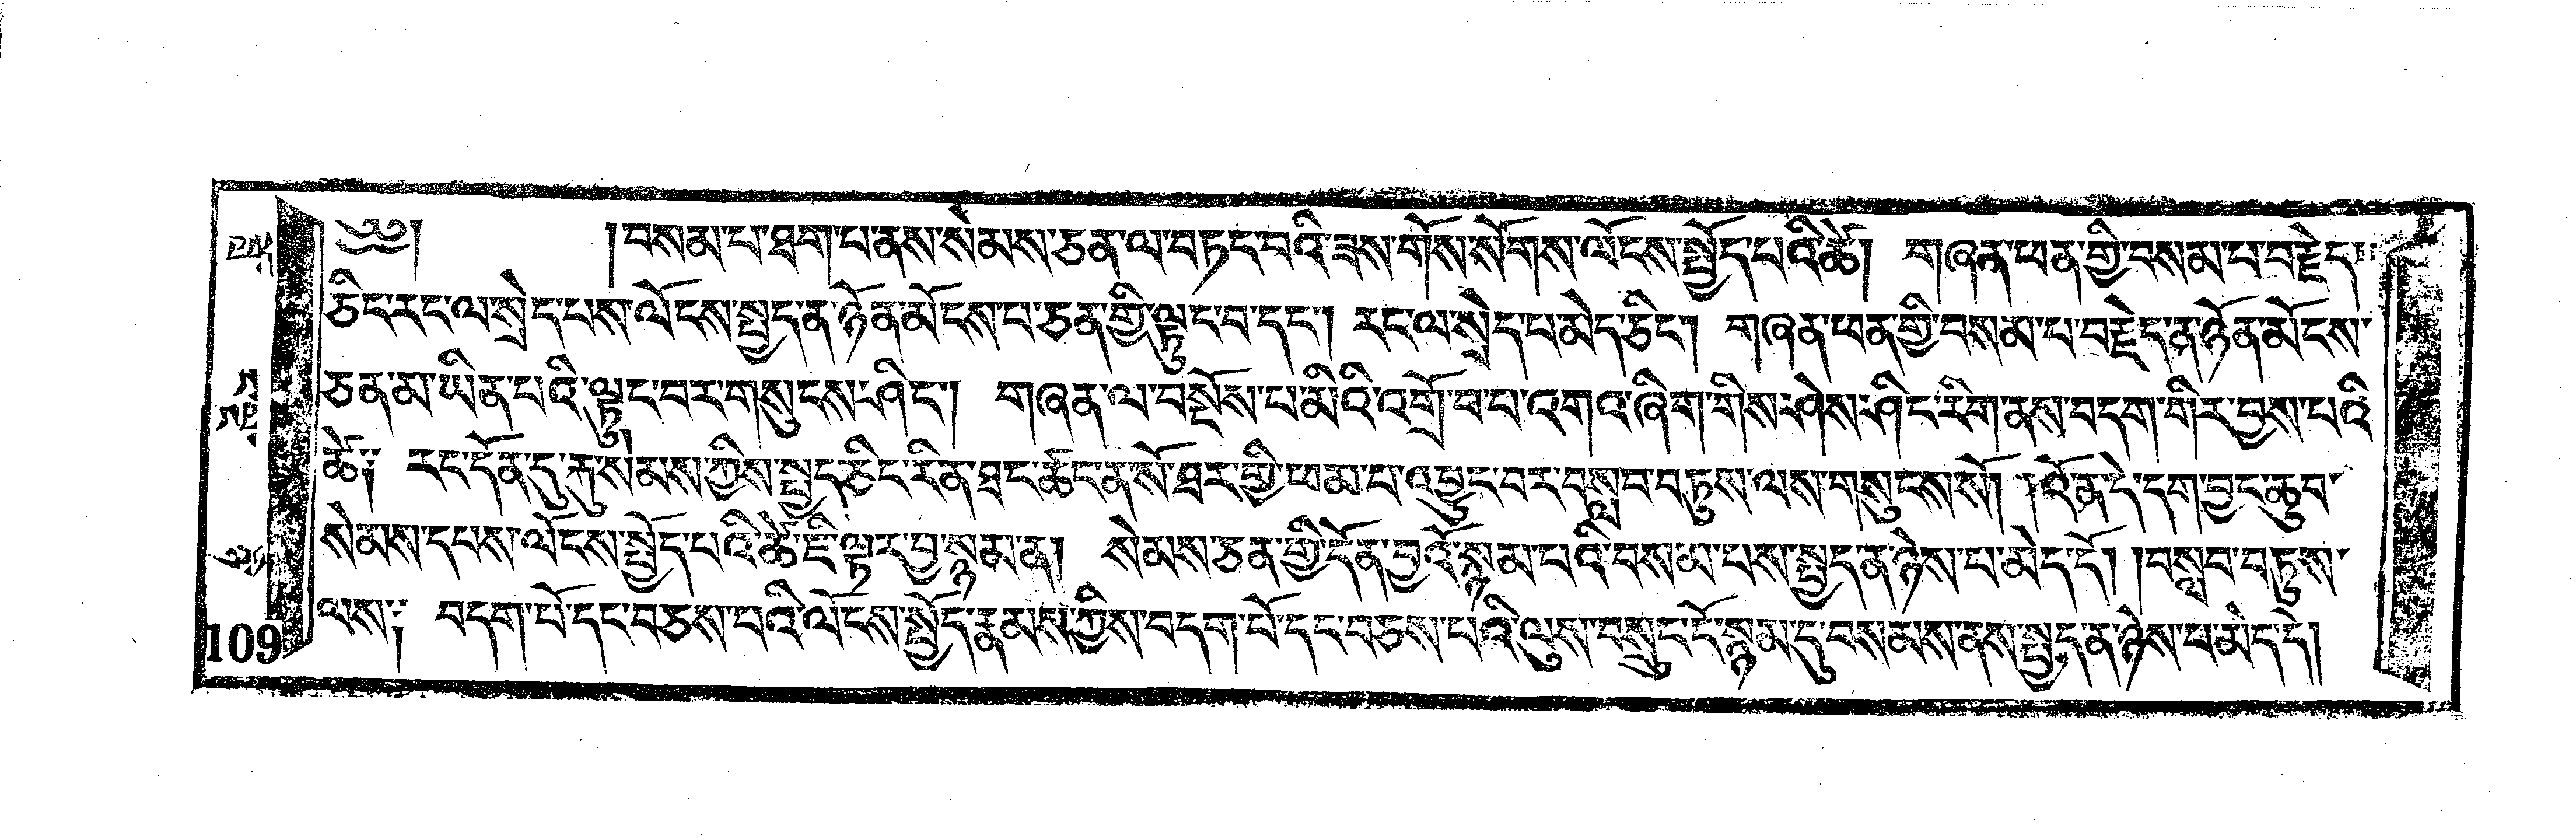༄༅། །བསམ་པ་ཐག་པ་ནས་སེམས་ཅན་ལ་བཏང་བའི་ཟས་གོས་སོགས་ལོངས་སྤྱོད་པའི་ཚེ། གཞན་ཕན་གྱི་བསམ་པ་བརྗེད་
ཅིང་རང་ལ་སྲེད་པས་ལོངས་སྤྱད་ན་ཉོན་མོངས་པ་ཅན་གྱི་ལྟུང་བ་དང་། རང་ལ་སྲེད་པ་མེད་ཅིང་། གཞན་ཕན་གྱི་བསམ་པ་བརྗེད་ན་ཉོན་མོངས་
ཅན་མ་ཡིན་པའི་ལྟུང་བར་གསུངས་ཤིང་། གཞན་ལ་བསྔོས་པ་མིའི་འགྲོ་བ་པ་འགའ་ཞིག་གིས་ཤེས་ཤིང་རིག་ནས་བདག་གིར་བྱས་པའི་
ཚེ༑ རང་དོན་དུ་རྐུ་སེམས་ཀྱིས་སྤྱད་ཅིང་རིན་ཐང་ཚང་ན་སོ་ཐར་གྱི་ཕམ་པ་འབྱུང་བར་བསླབ་བཏུས་ལས་གསུངས་སོ། །འོ་ན་དེ་དག་བྱང་ཆུབ་
སེམས་དཔས་ལོངས་སྤྱོད་པའི་ཚེ་ཇི་ལྟར་བྱ་སྙམ་ན། སེམས་ཅན་གྱི་དོན་བྱའོ་སྙམ་པའི་བསམ་པས་སྤྱད་ན་ཉེས་པ་མེད་དོ། །བསླབ་བཏུས་
ལས༑ བདག་པོ་དང་བཅས་པའི་ལོངས་སྤྱོད་རྣམས་ཀྱིས་བདག་པོ་དང་བཅས་པའི་ལུས་བསྲུང་ངོ་སྙམ་དུ་བསམས་ནས་སྤྱད་ན་ཉེས་པ་མེད་དེ།